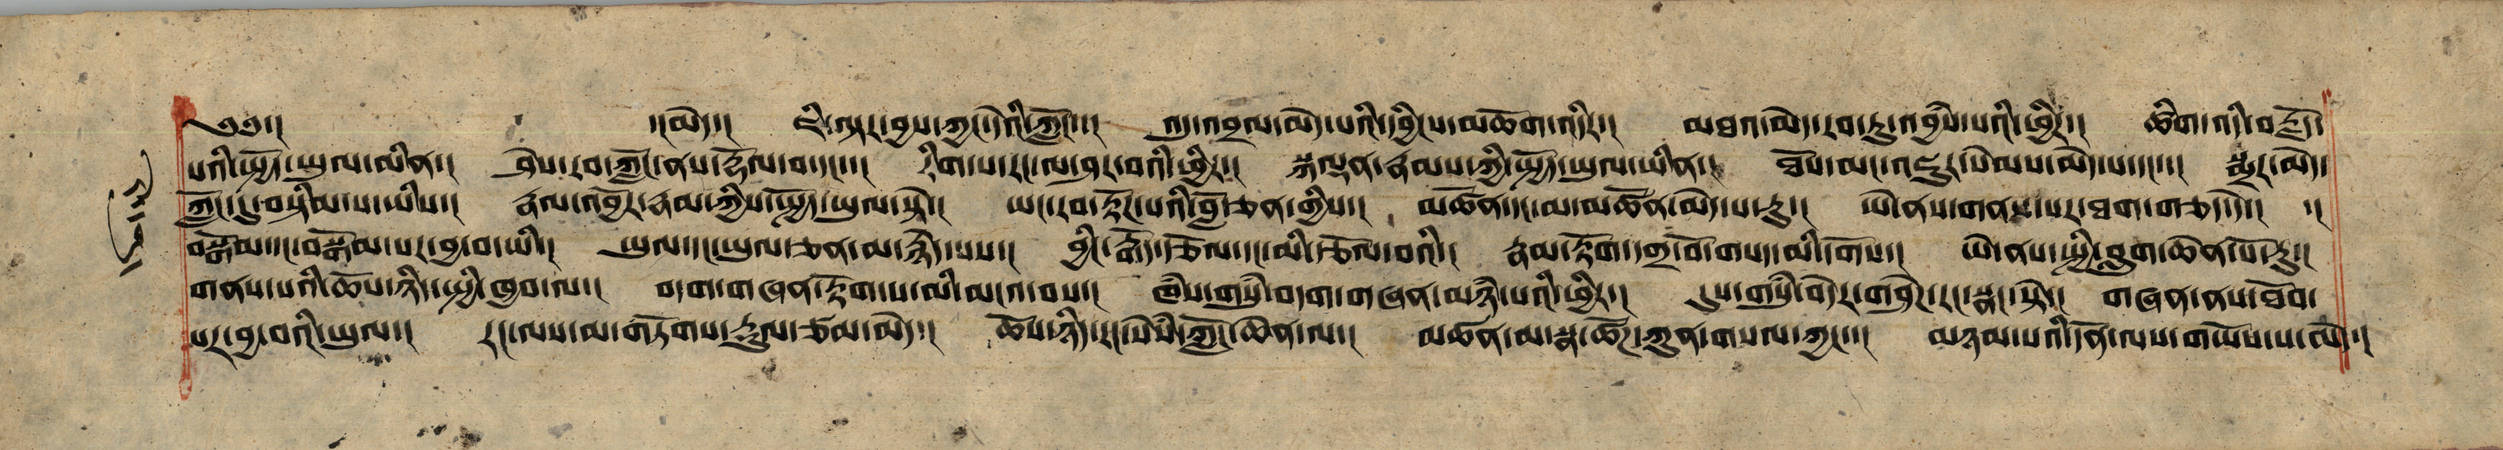༄༅་།་ ་།མེད་། ཇི་ལྟར་བྱས་ཀྱང་དེའི་ཀློང་་། འདུ་འབྲལ་མེད་པའི་དབྱིངས་མཆོག་འདིར་། མཐའ་མེད་རབ་ཏུ་འབྱཾས་པའི་ཕྱིར་། ཚིག་འདི་བརྗོད་
པའི་སྤྱོད་ཡུལ་མིན་། ཤེས་རབ་ཀློང་ནས་རྡོལ་བ་དང་་། རིག་པ་རང་ལ་ཤར་བའི་ཕྱིར་། སྐལྡན་རྣམས་ཀྱི་སྤྱོད་ཡུལ་ཡིན་། ཐོས་མང་འཇུར་སེམས་མེད་པ་དང་་། སྨྲར་མེད་
ཀློང་དུ་བསྟིམ་པ་ཡིས་། རྣལ་འབྱོར་རྣམ་ཀྱིས་སྤྱོད་ཡུལ་སྟེ་། ཡང་རབ་རྟོཌ་པའི་བློ་ཅན་གྱིས་། མཚོན་དང་མ་མཚོན་མེད་པ་རུ་། ཡེ་ནས་གནས་པར་ཐག་གཅད་དེ་། ་།
བསྒོམ་དང་བསྒོམ་པར་བྱ་བ་ཡི་། ཡུལ་དང་ཡུལ་ཅན་མ་རྙེད་པས་། བྱིང་རྒོད་རྩོལ་དང་མི་རྩོལ་བའི་། རྣམ་རྟོག་དགྲ་བོ་གསད་མི་དགོས་། ཡེ་ནས་སྤྱི་བླུག་ཆེན་པོ་རུ་།
གནས་པའི་ཆོས་ཉིད་སྤྱི་ཁྱབ་ལ་། བདག་གཞན་རྟོག་པ་མི་མངའ་བས་། ཁཾས་གསུམ་བདག་གཞན་མཉཾ་པའི་ཕྱིར་། དུས་གསུཾ་བདེར་གཤཻཌ་རང་སྣང་སྟེ་། གཞན་ནས་ཐོབ་
པར་བྱ་བའི་ཡུལ་། རང་ལས་མ་གཏོགས་རྡུལ་ཙམ་མེད་། ཆོས་ཉིད་རང་སེཾས་ཀློང་ཆེན་ལ་། མཚན་མ་སྣ་ཚོཌ་ཀུན་གསལ་ཀྱང་་། མཉམ་པའི་དོན་ལས་གཡོས་པ་མེ